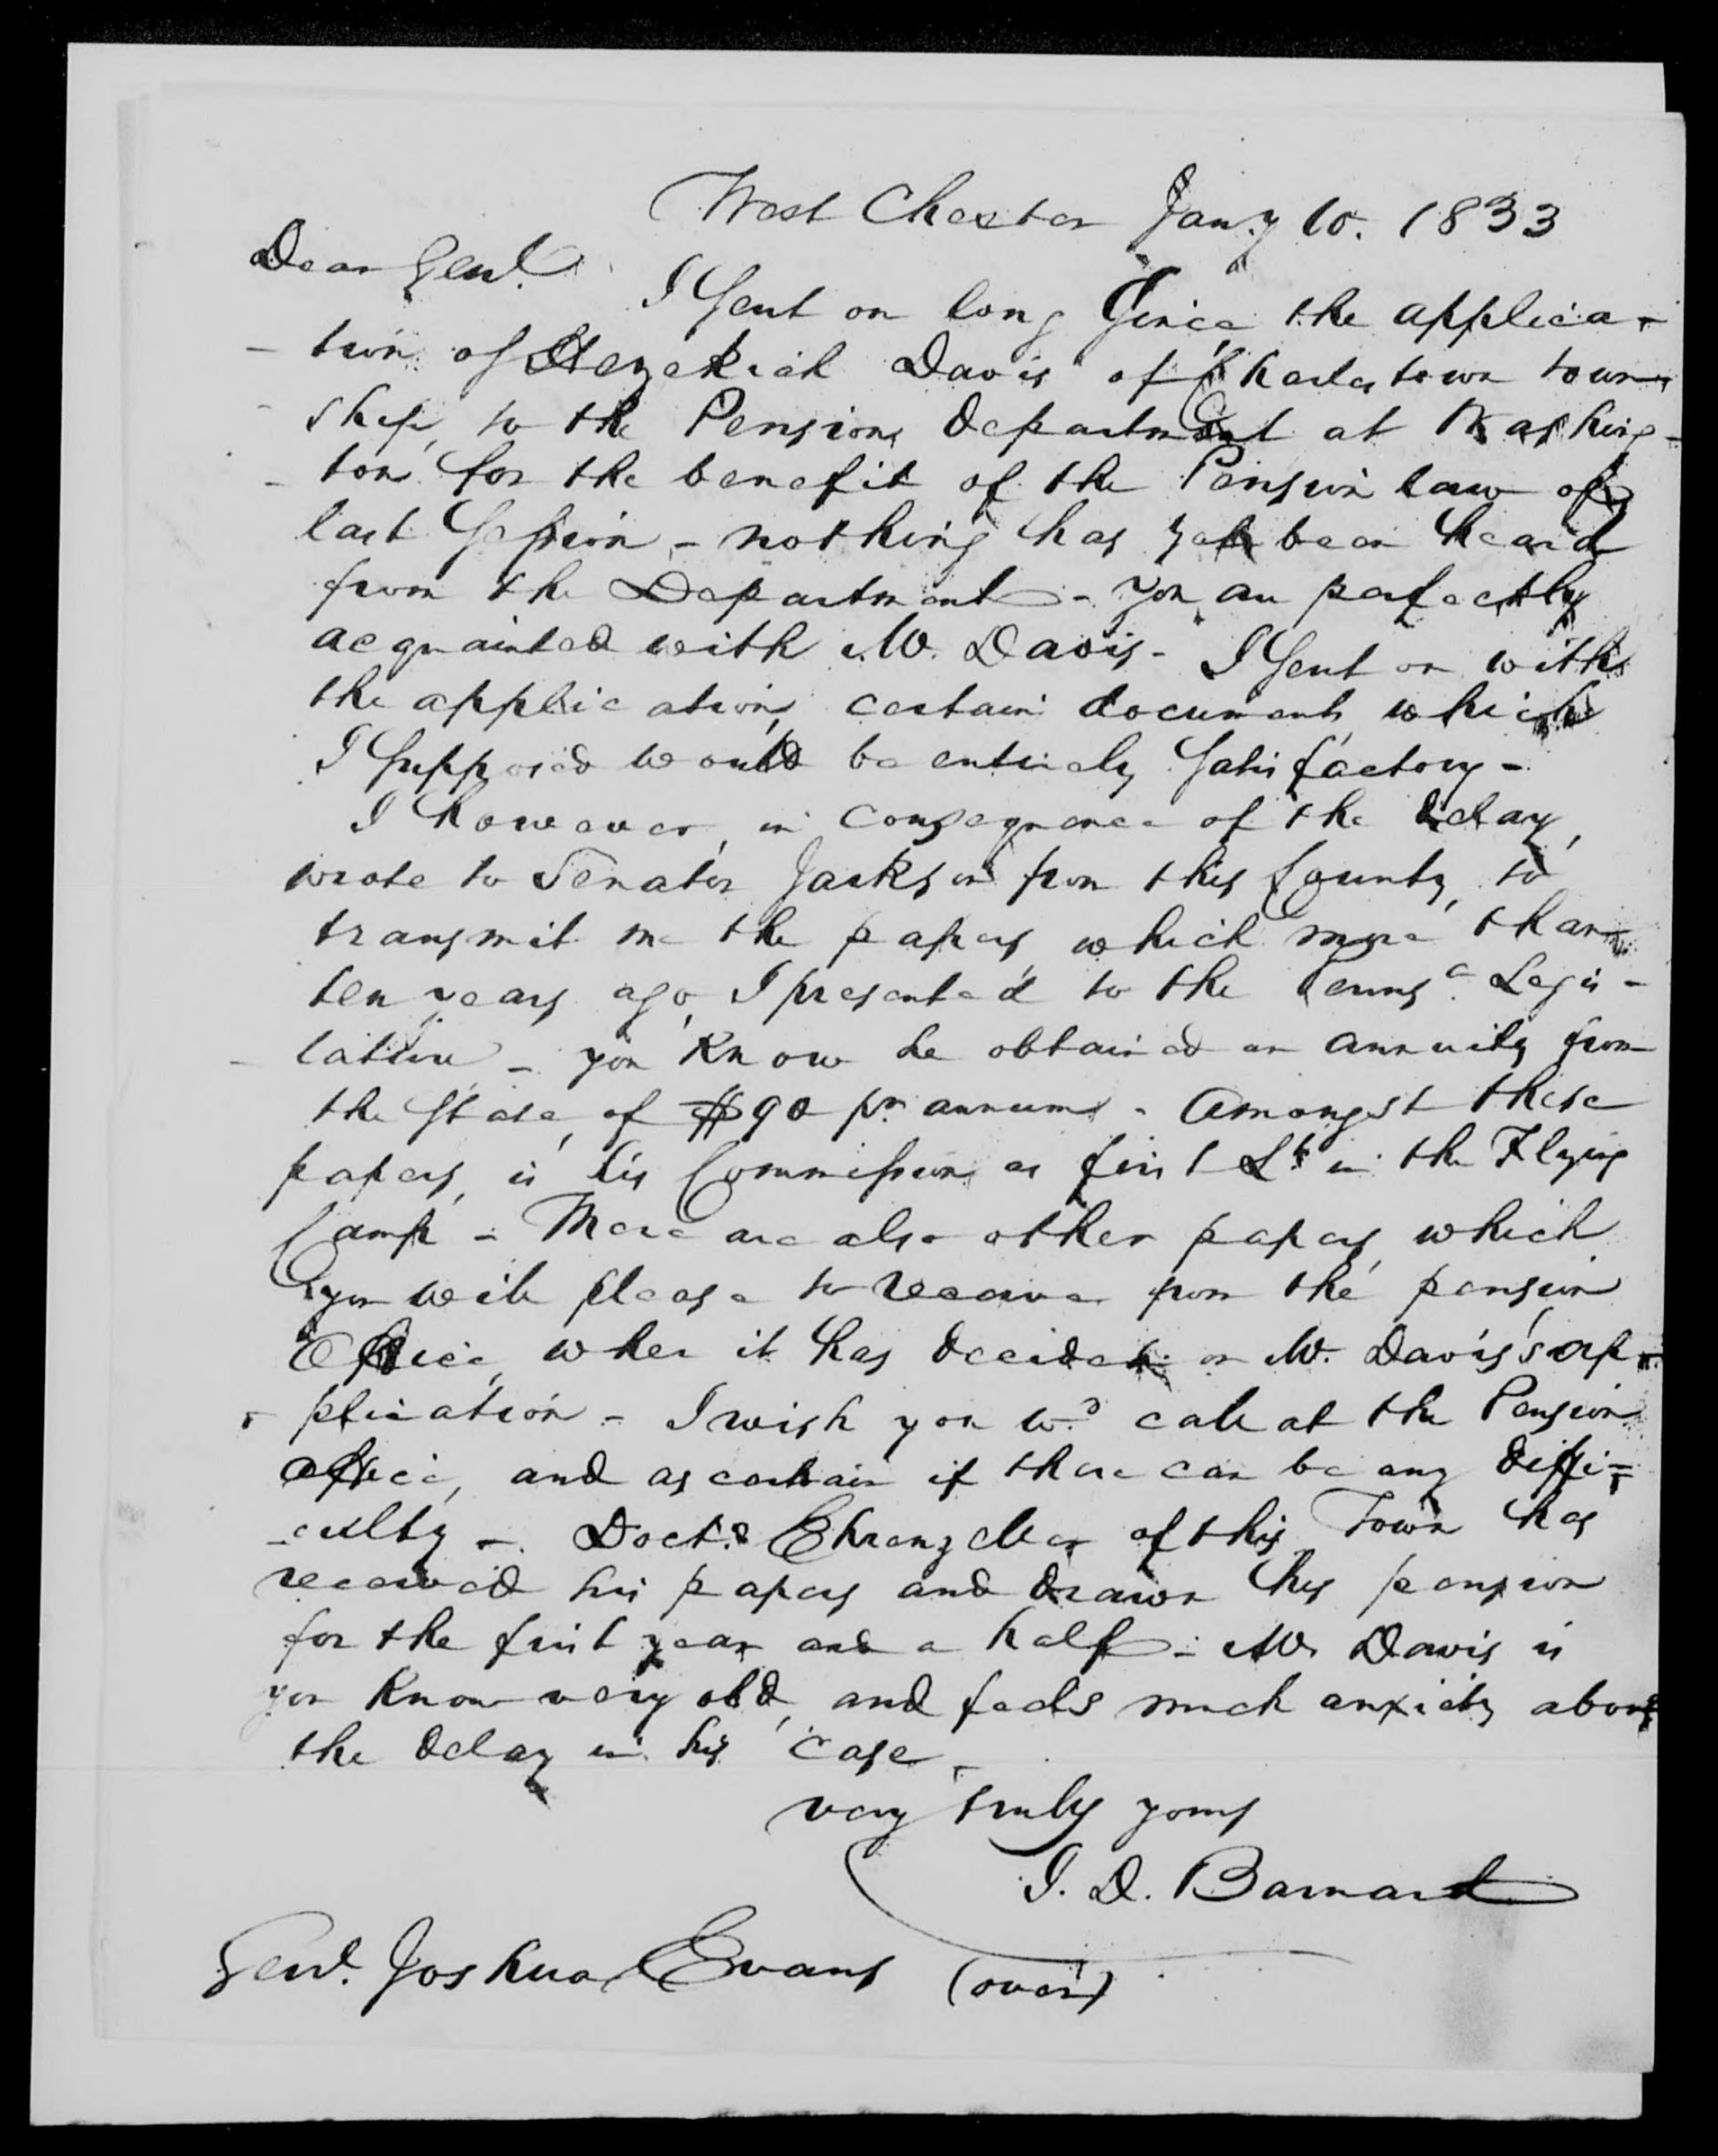West Chester Jany 10. 1833
Dear Genl
I sent on long since the application of Hezekiah Davis of Charles town township to the Pension department at Washington for the benefit of the Pension law of
last Session. nothing has yet been heard
from the Department you are perfectly
acquainted with Mr. Davis. I sent on with
the application certain documents which
I supposed would be entirely satisfactory-
I however, in consequence of the delay, wrote to Senator Jackson from this County to
transmit on the papers which more than
ten years ago, I presented to the Pennsa [Pennsylvania] Legislation, you know he obtained an annuity from
the State of $90 pr annum. amongst these papers in his Commission as first Lt. in the Flying
Camp. There are also other papers which
or will please to receive from the pension
Office, when it has decided on Mr Davis's
application. I wish you to call at the Pensions
Office, and ascertain if there can be any difficulty. Doctr. Ehrenzcher of this Town has received his papers and drawn his pension
for the first year and a half Mr. Davis is
for know very old, and feels much anxiety about the delay in his case. 
very truly yours
J. D. Barnard

Genl Joshua Evans
(over)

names: Davis, I D Barnard, Hezekiah Davis, Davis, Ehrenz, Davis, Jackson, Joshua Evans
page: 45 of 57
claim: survivor's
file: S. 2161, Hezekiah Davies, Penn